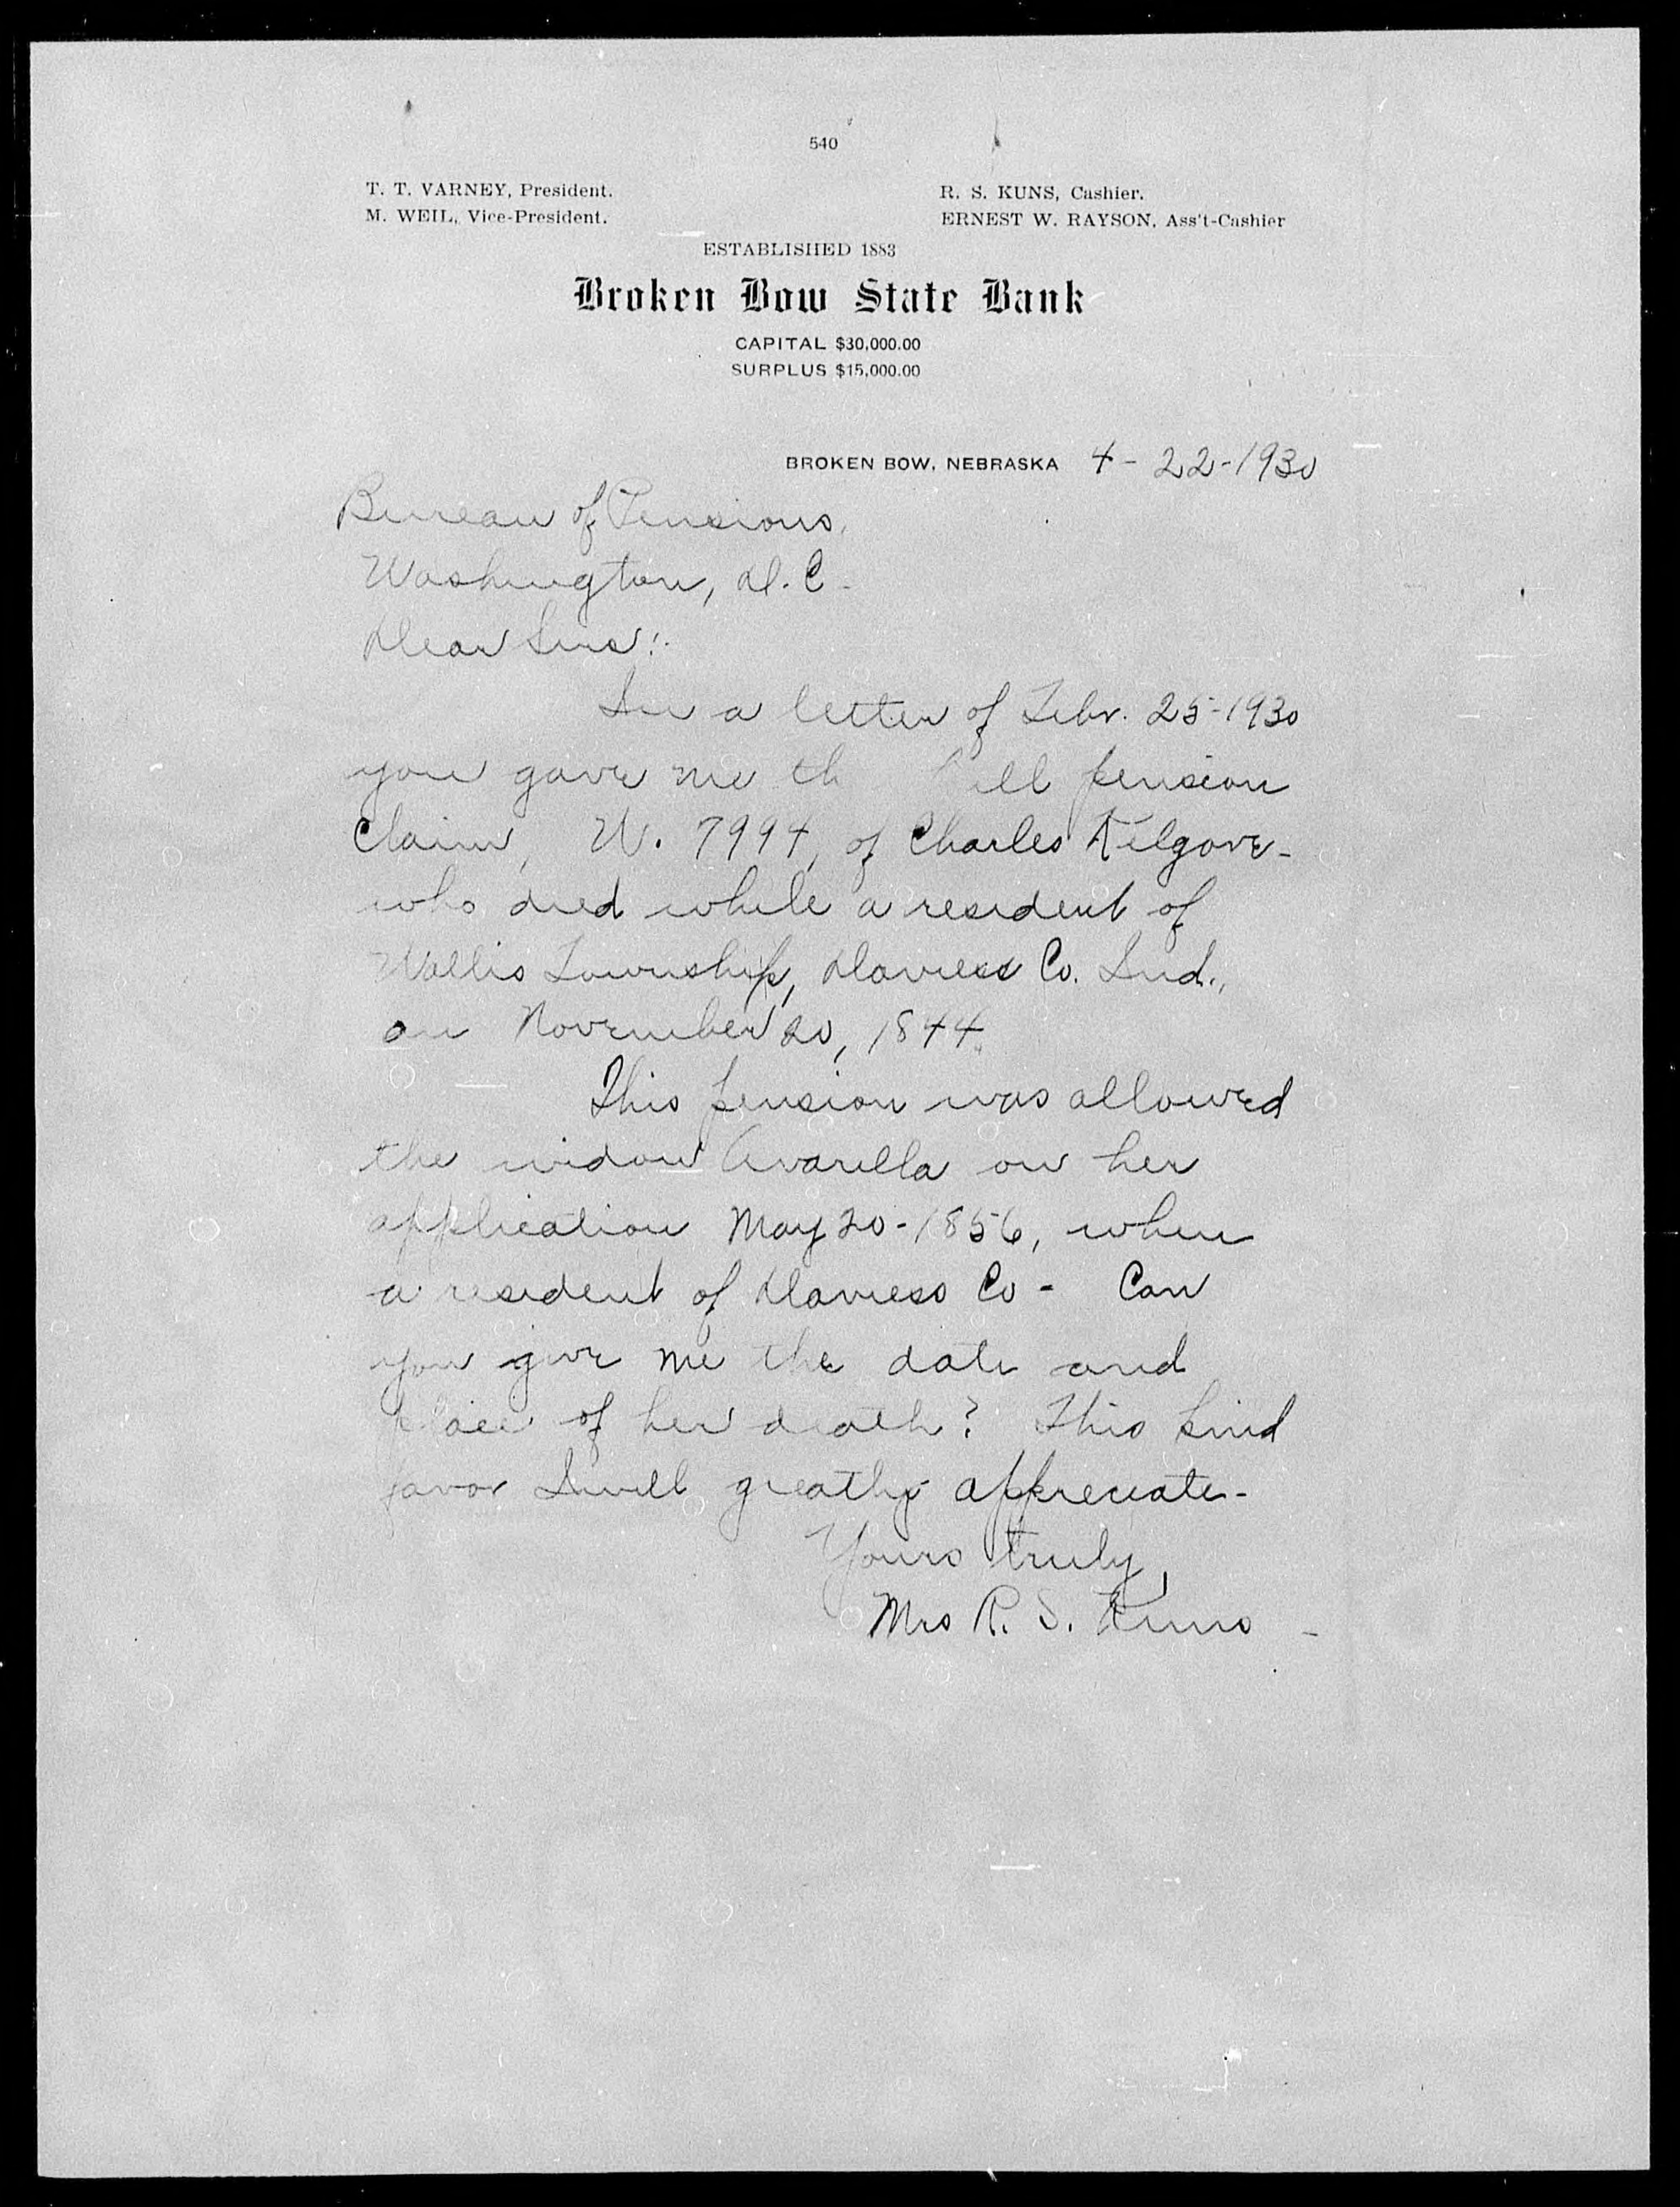540
T. T. VARNEY, President.
M. WEIL, Vice-President.
R. S. KUNS, Cashier.
ERNEST W. RAYSON, Ass't-Cashier
ESTABLISHED 1883
Broken Hill State Bank
CAPITAL $30,000. 00
SURPLUS $15, 000. 00

BROKEN BOW, NEBRASKA 4- 22-1930

Bureau of Pensions
Washington, D.C.
Dear Sirs:
In a letter of Feb. 25-1930 you gave me the full pension claim, W. 7994, of Charles Kilgore, who died while a resident of Wallis Township, Daviess Co. Ind., on November 20, 1844.
This pension was allowed the widow Avarilla on her application May 20, 1856, when a resident of Daviess Co. Can
you give me the date and one of her death? This kind favor I will greatly appreciate.
Yours truly
Mrs R. S. Kuns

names: M Well; T T Varney; Charles Kilgore; Ernest W Rayson; R S Kuns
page: 71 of 115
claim: survivor's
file: S. 699, for Charles Kilgore, Virginia